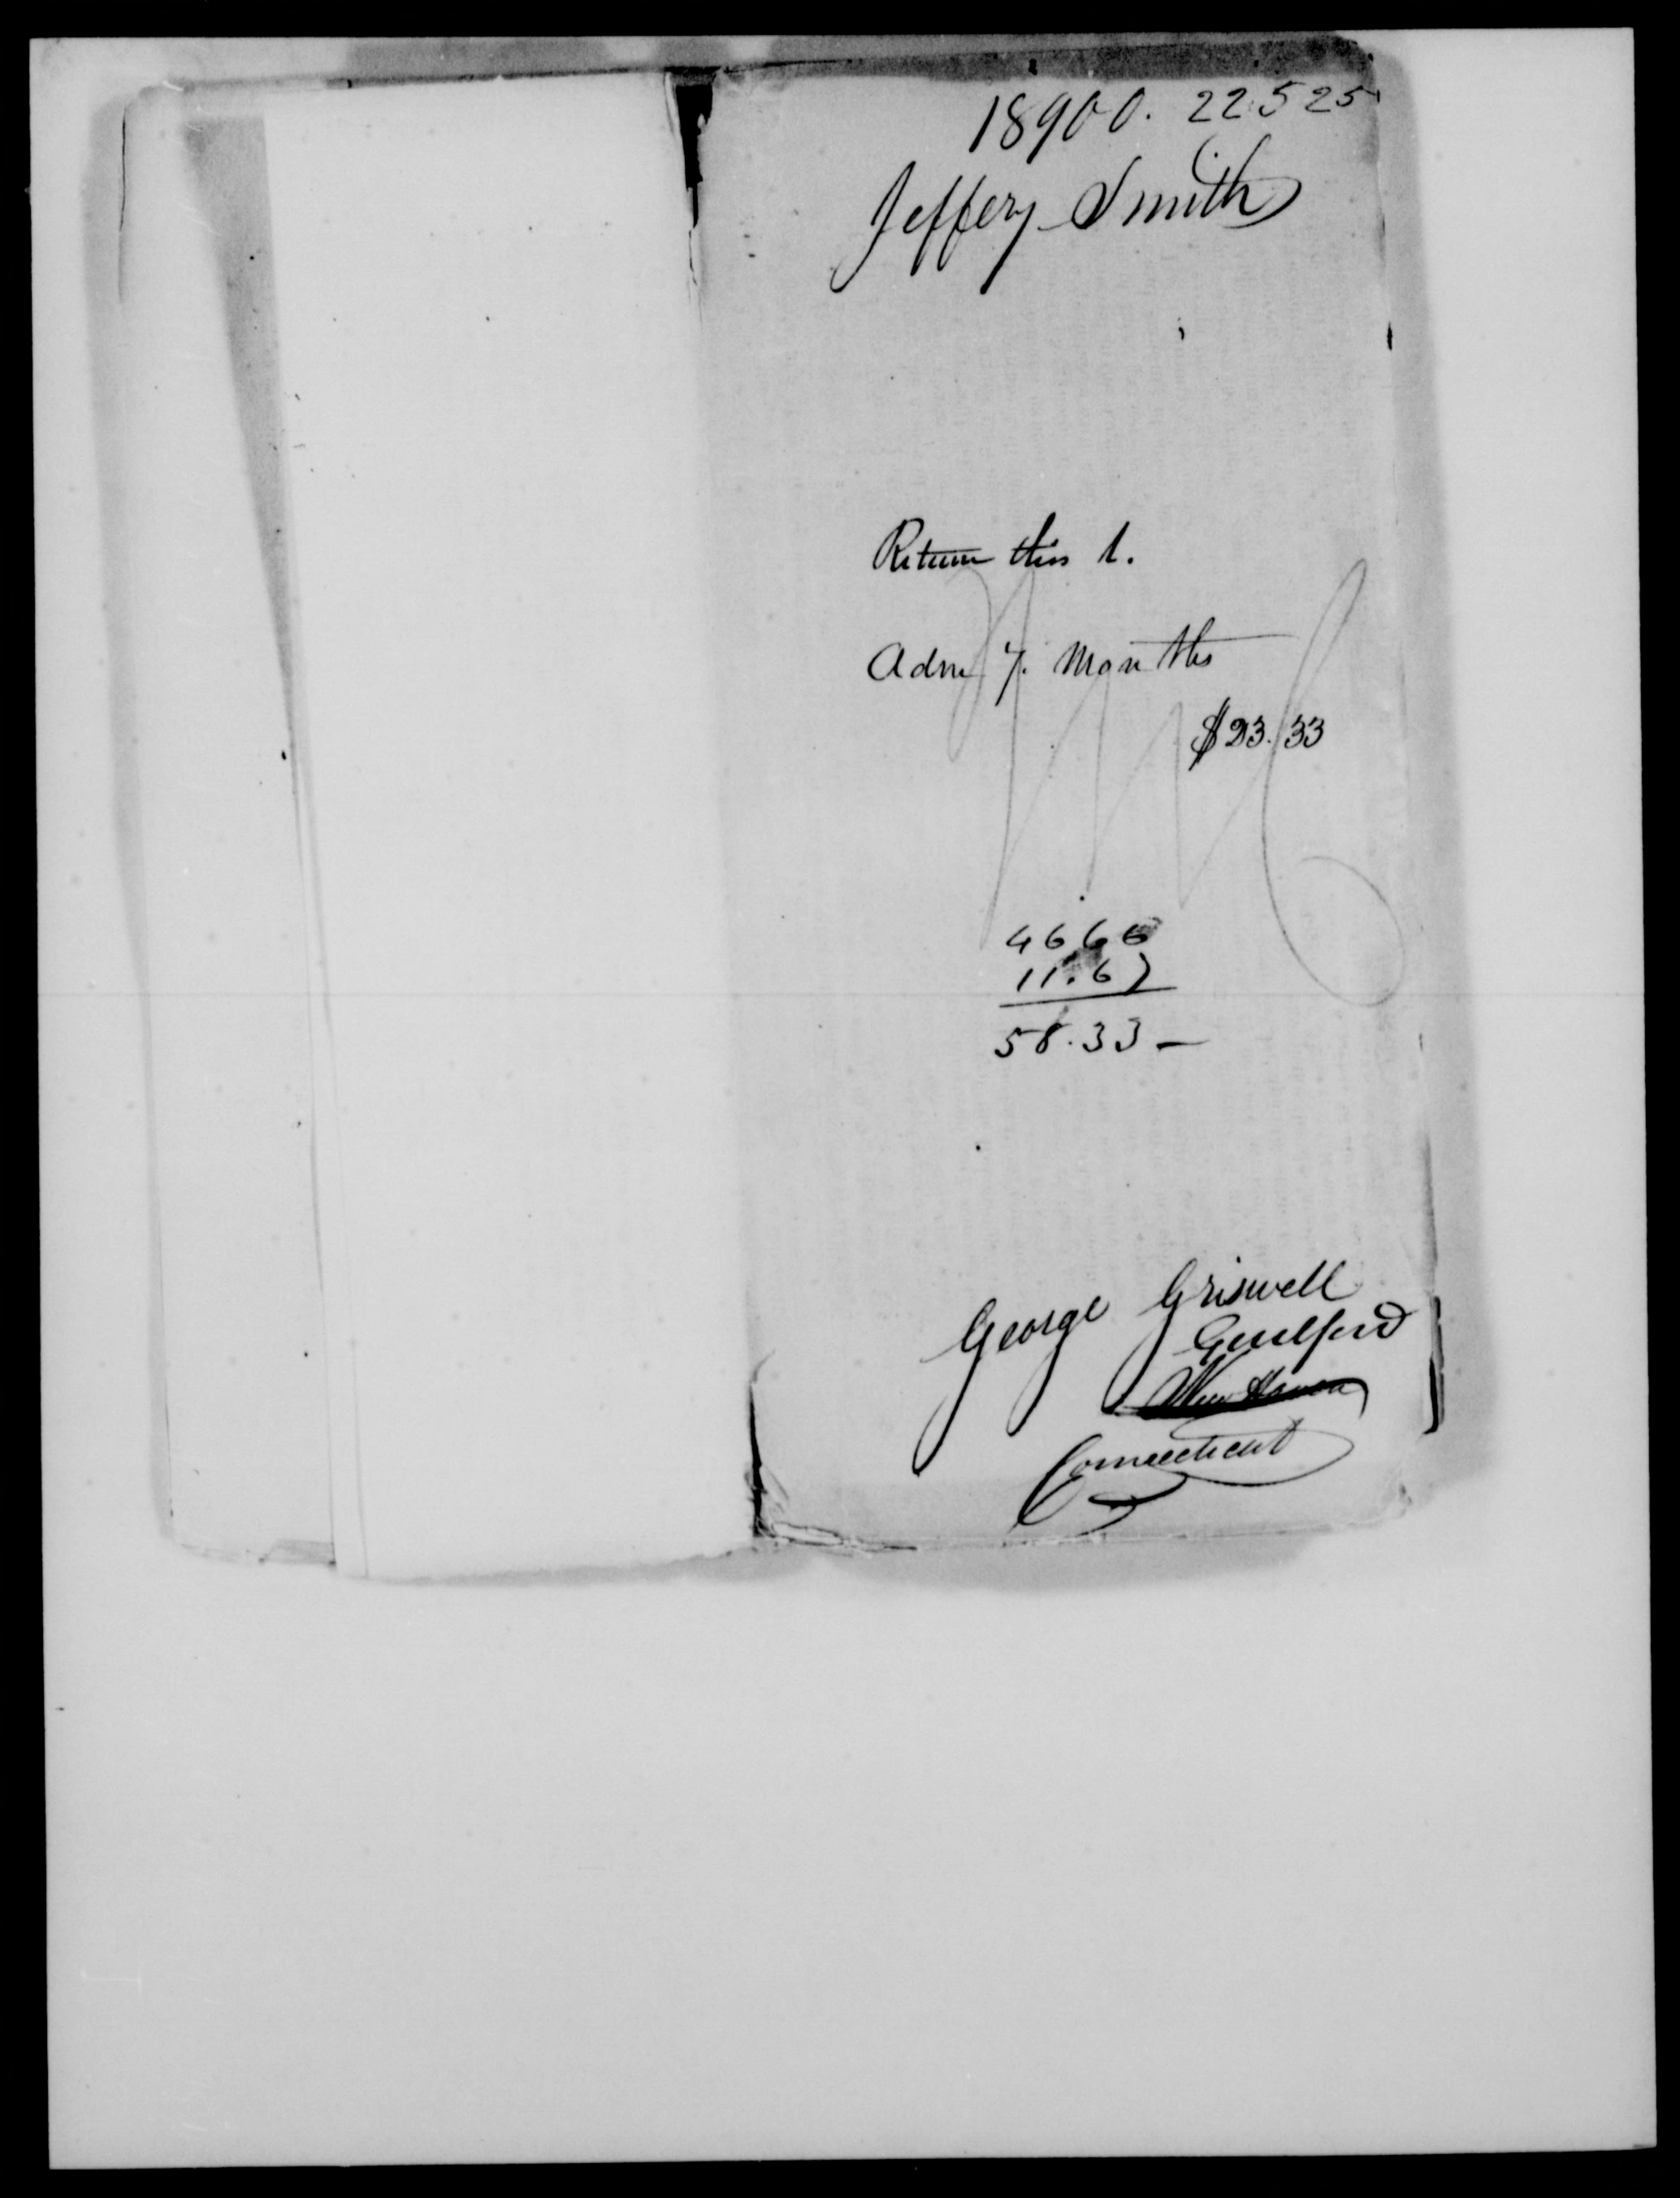18900. 22525
Jeffery Smith
Return this to
Adm. T Manths
$23.33
W
46.66
11.67
58.33-
George Griswell 
Guilford
New Haven[crossed out]
Connecticut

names: George Griswell; Jeffery Smith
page: 3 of 19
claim: survivor's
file: S. 16250, for Jeffery Smith, Connecticut